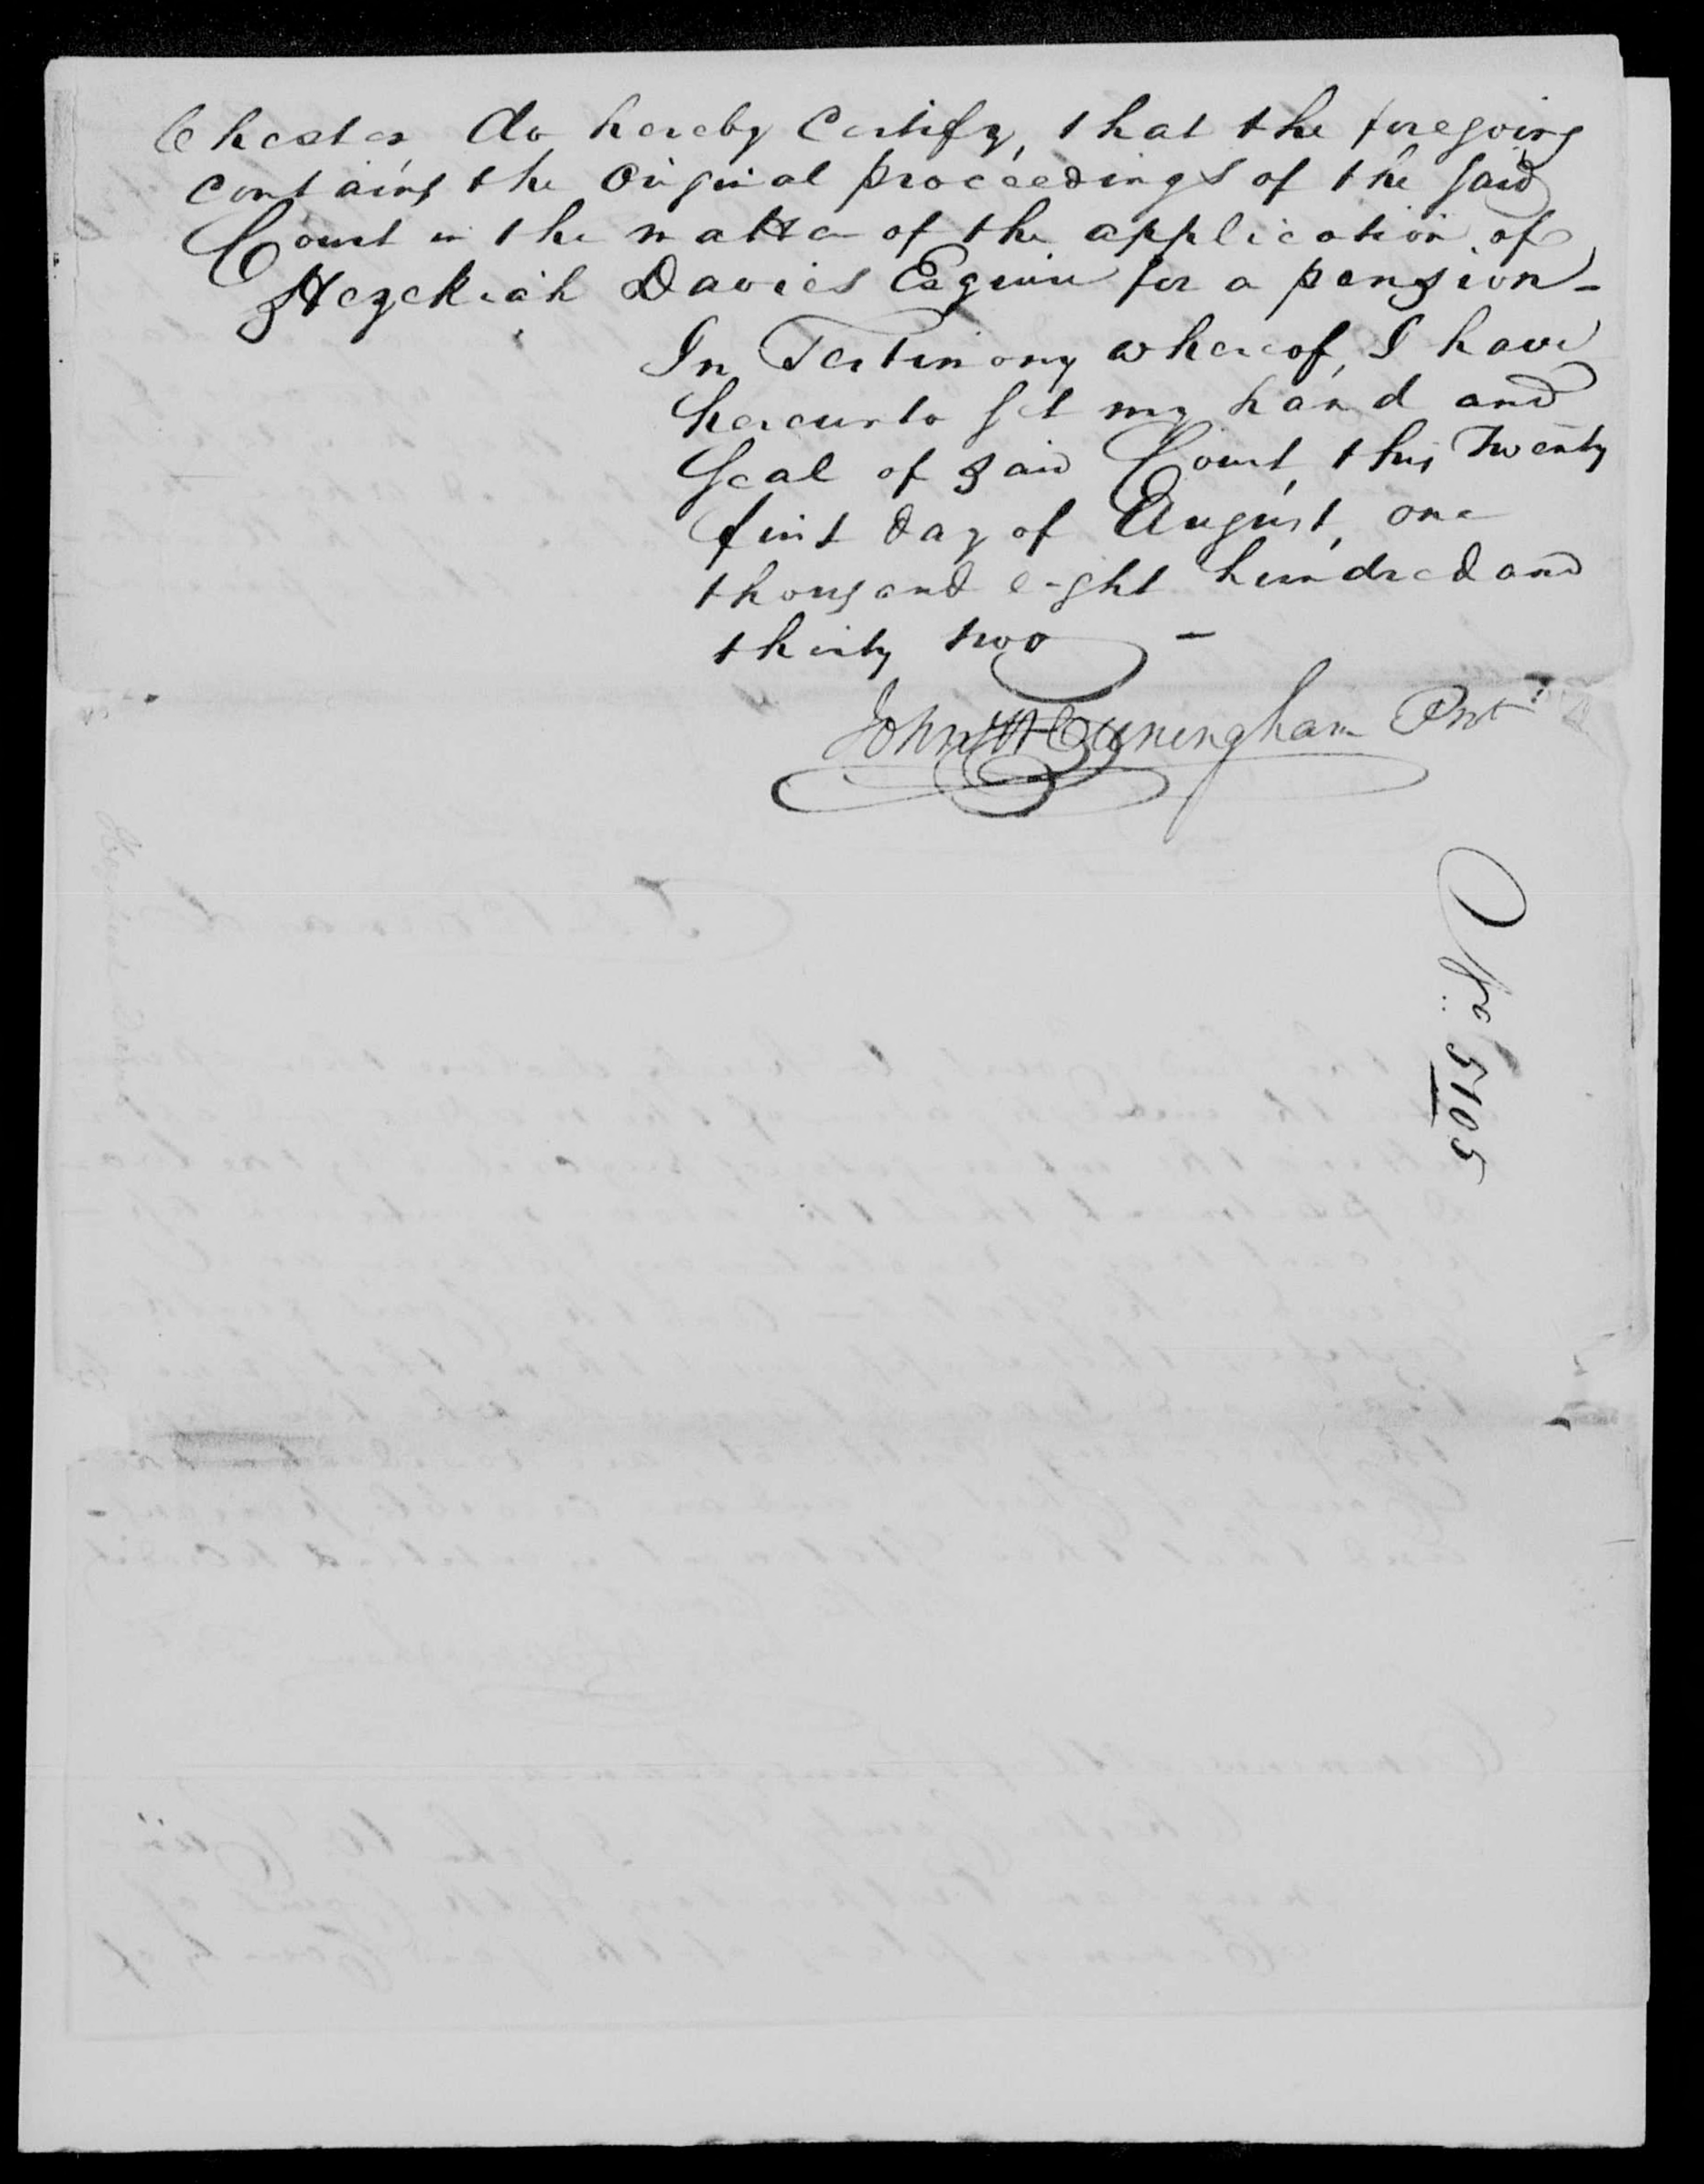Chester do hereby certify, that the foregoing
contains the original proceedings of the said
Court in the matter of the application of
Hezekiah Davies Esquire for a pension-
In Testimony whereof, I have
hereunto set my hand and
Seal of said
Court this Twenty
first day of August, one
thousand eight hundred and
thirty two

John W Cuningham Prot
No 5105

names: Hezekiah Davies, John W Cuningham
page: 10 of 57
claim: survivor's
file: S. 2161, Hezekiah Davies, Penn